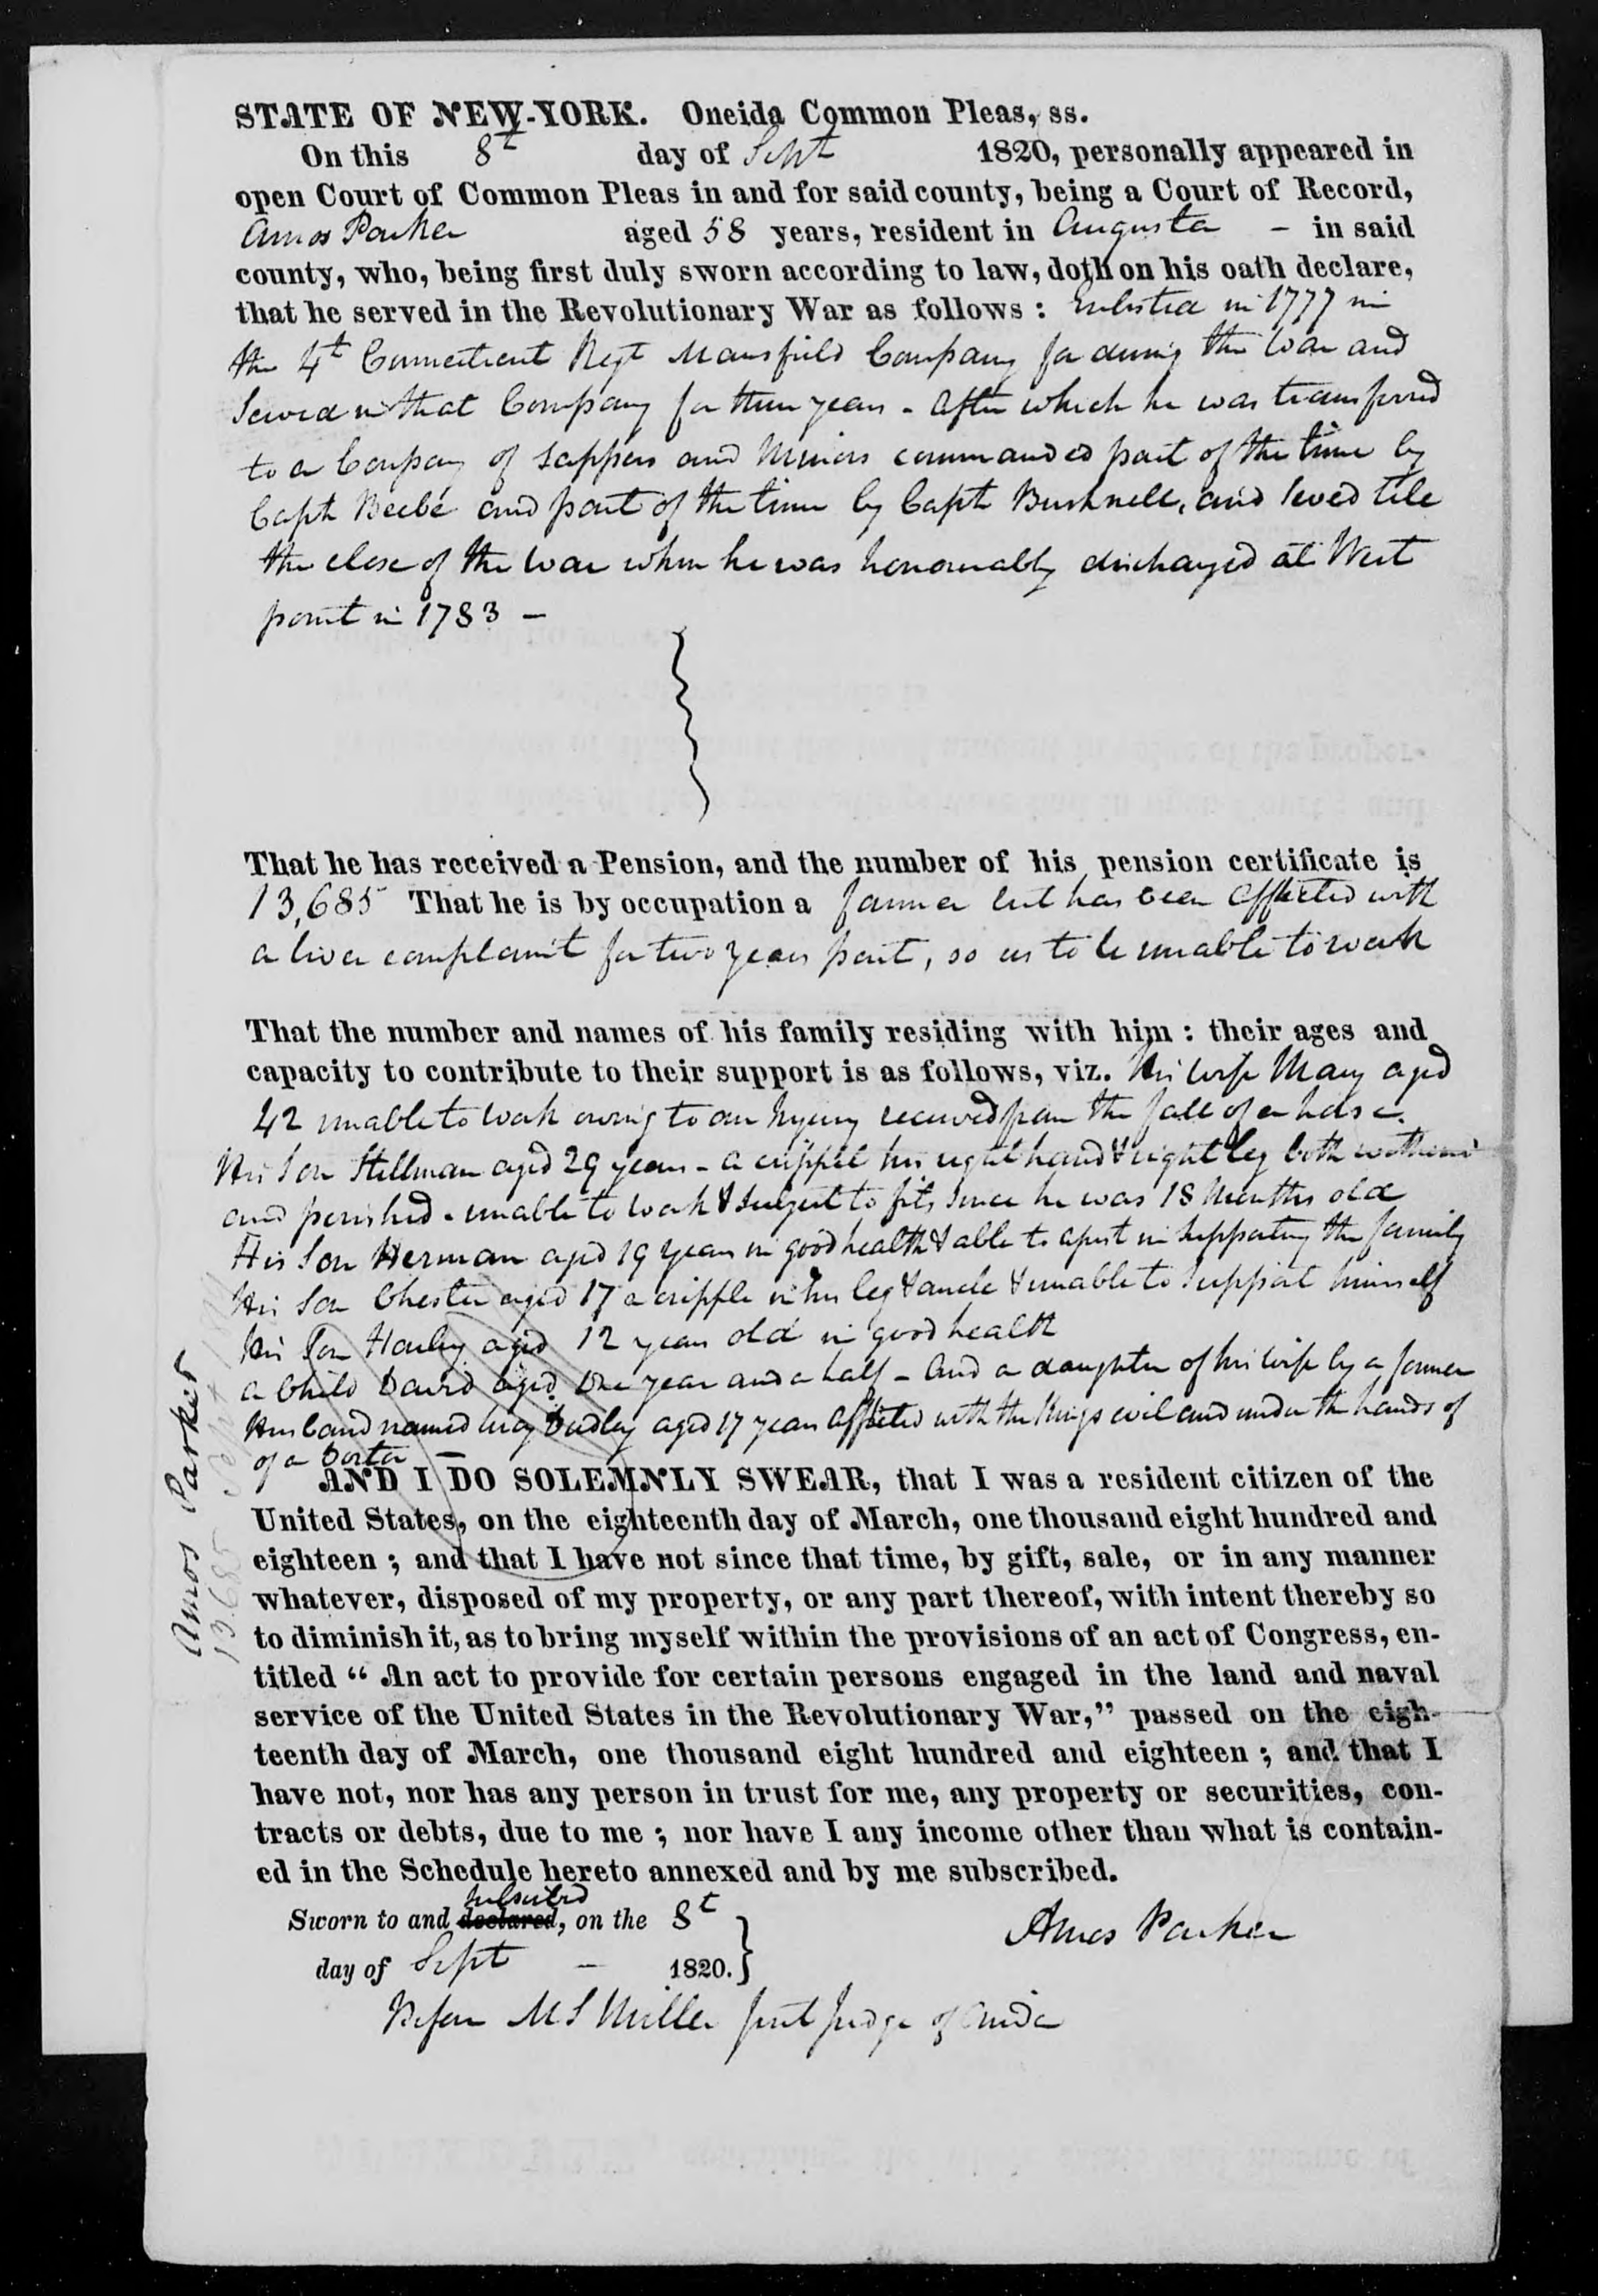STATE OF NEW-YORK. Oneida Common Pleas, ss.
On this 8th day of Sept 1820, personally appeared in
open Court of Common Pleas in and for said county, being a Court of Record,
Amos Parker aged 58 years, resident in Augusta, in said
county, who, being first duly sworn according to law, doth on his oath declare,
that he served in the Revolutionary War as follows: Enlisted in 1777 in
the 4th Connecticut Regt Mansfield Company for during the war and
served in that company for three years. After which he was transferred
to a company of Sappers and miners commanded part of the time by
Capt Beebe and part of the time by Capt Bushnell, and served till
the close of the war when he was honourably discharged at West
point in 1783-
That he has received a pension, and the number of his pension certificate is
13,685 That he is by occupation a farmer but has been afflicted with
a liver complaint for two years past, so as to be unable to work
That the number and names of his family residing with him: their ages and
capacity to contribute to their support is as follows, viz. his wife Mary aged
42 unable to work owing to an Injury received from the fall of a [illegible]
His son Hillman aged 29 years a crippil the right hand & rightly by both withered
and perished unable to work & subject to fits since he was 18 months old
His son Hermann aged 19 years in good health & able to assist in supporting the family
His son Chester aged 17 a cripple in his Leg & ancle & unable to support himself
his son Harley aged 12 years old in good health
Child David aged one year and a half. and a daughter of his wife by a former
Husband named [illegible] Dudley aged 17 years afflicted with the Kings wil and under the hands of
of a Doctor
AND I DO SOLEMNLY SWEAR, that I was a resident citizen of the
United States, on the eighteenth day of March, one thousand eight hundred and
eighteen; and that I have not since that time, by gift, sale, or in any manner
whatever, disposed of my property, or any part thereof, with intent thereby so
to diminish it, as to bring myself within the provisions of an act of Congress, entitled
"An act to provide for certain persons engaged in the land and naval
service of the United States in the Revolutionary War,” passed on the eighteenth
day of March, one thousand eight hundred and eighteen, and that I
have not, nor has any person in trust for me, any property or securities, contracts
or debts, due to me; nor have I any income other than what is contained
in the Schedule hereto annexed and by me subscribed.
Amos Parker
Sworn to and subscribed on the 8t }
day of Sept - 1820 }
Before M L Miller first Judge of Onida
Amos Parker
13.685 Sept 1819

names: David [BLANK]; Amos Parker; [BLANK] Stillman; [BLANK] Bushnell; [BLANK] Herman; James [BLANK]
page: 3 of 31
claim: survivor's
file: S. 43766, for Amos Parker, Connecticut